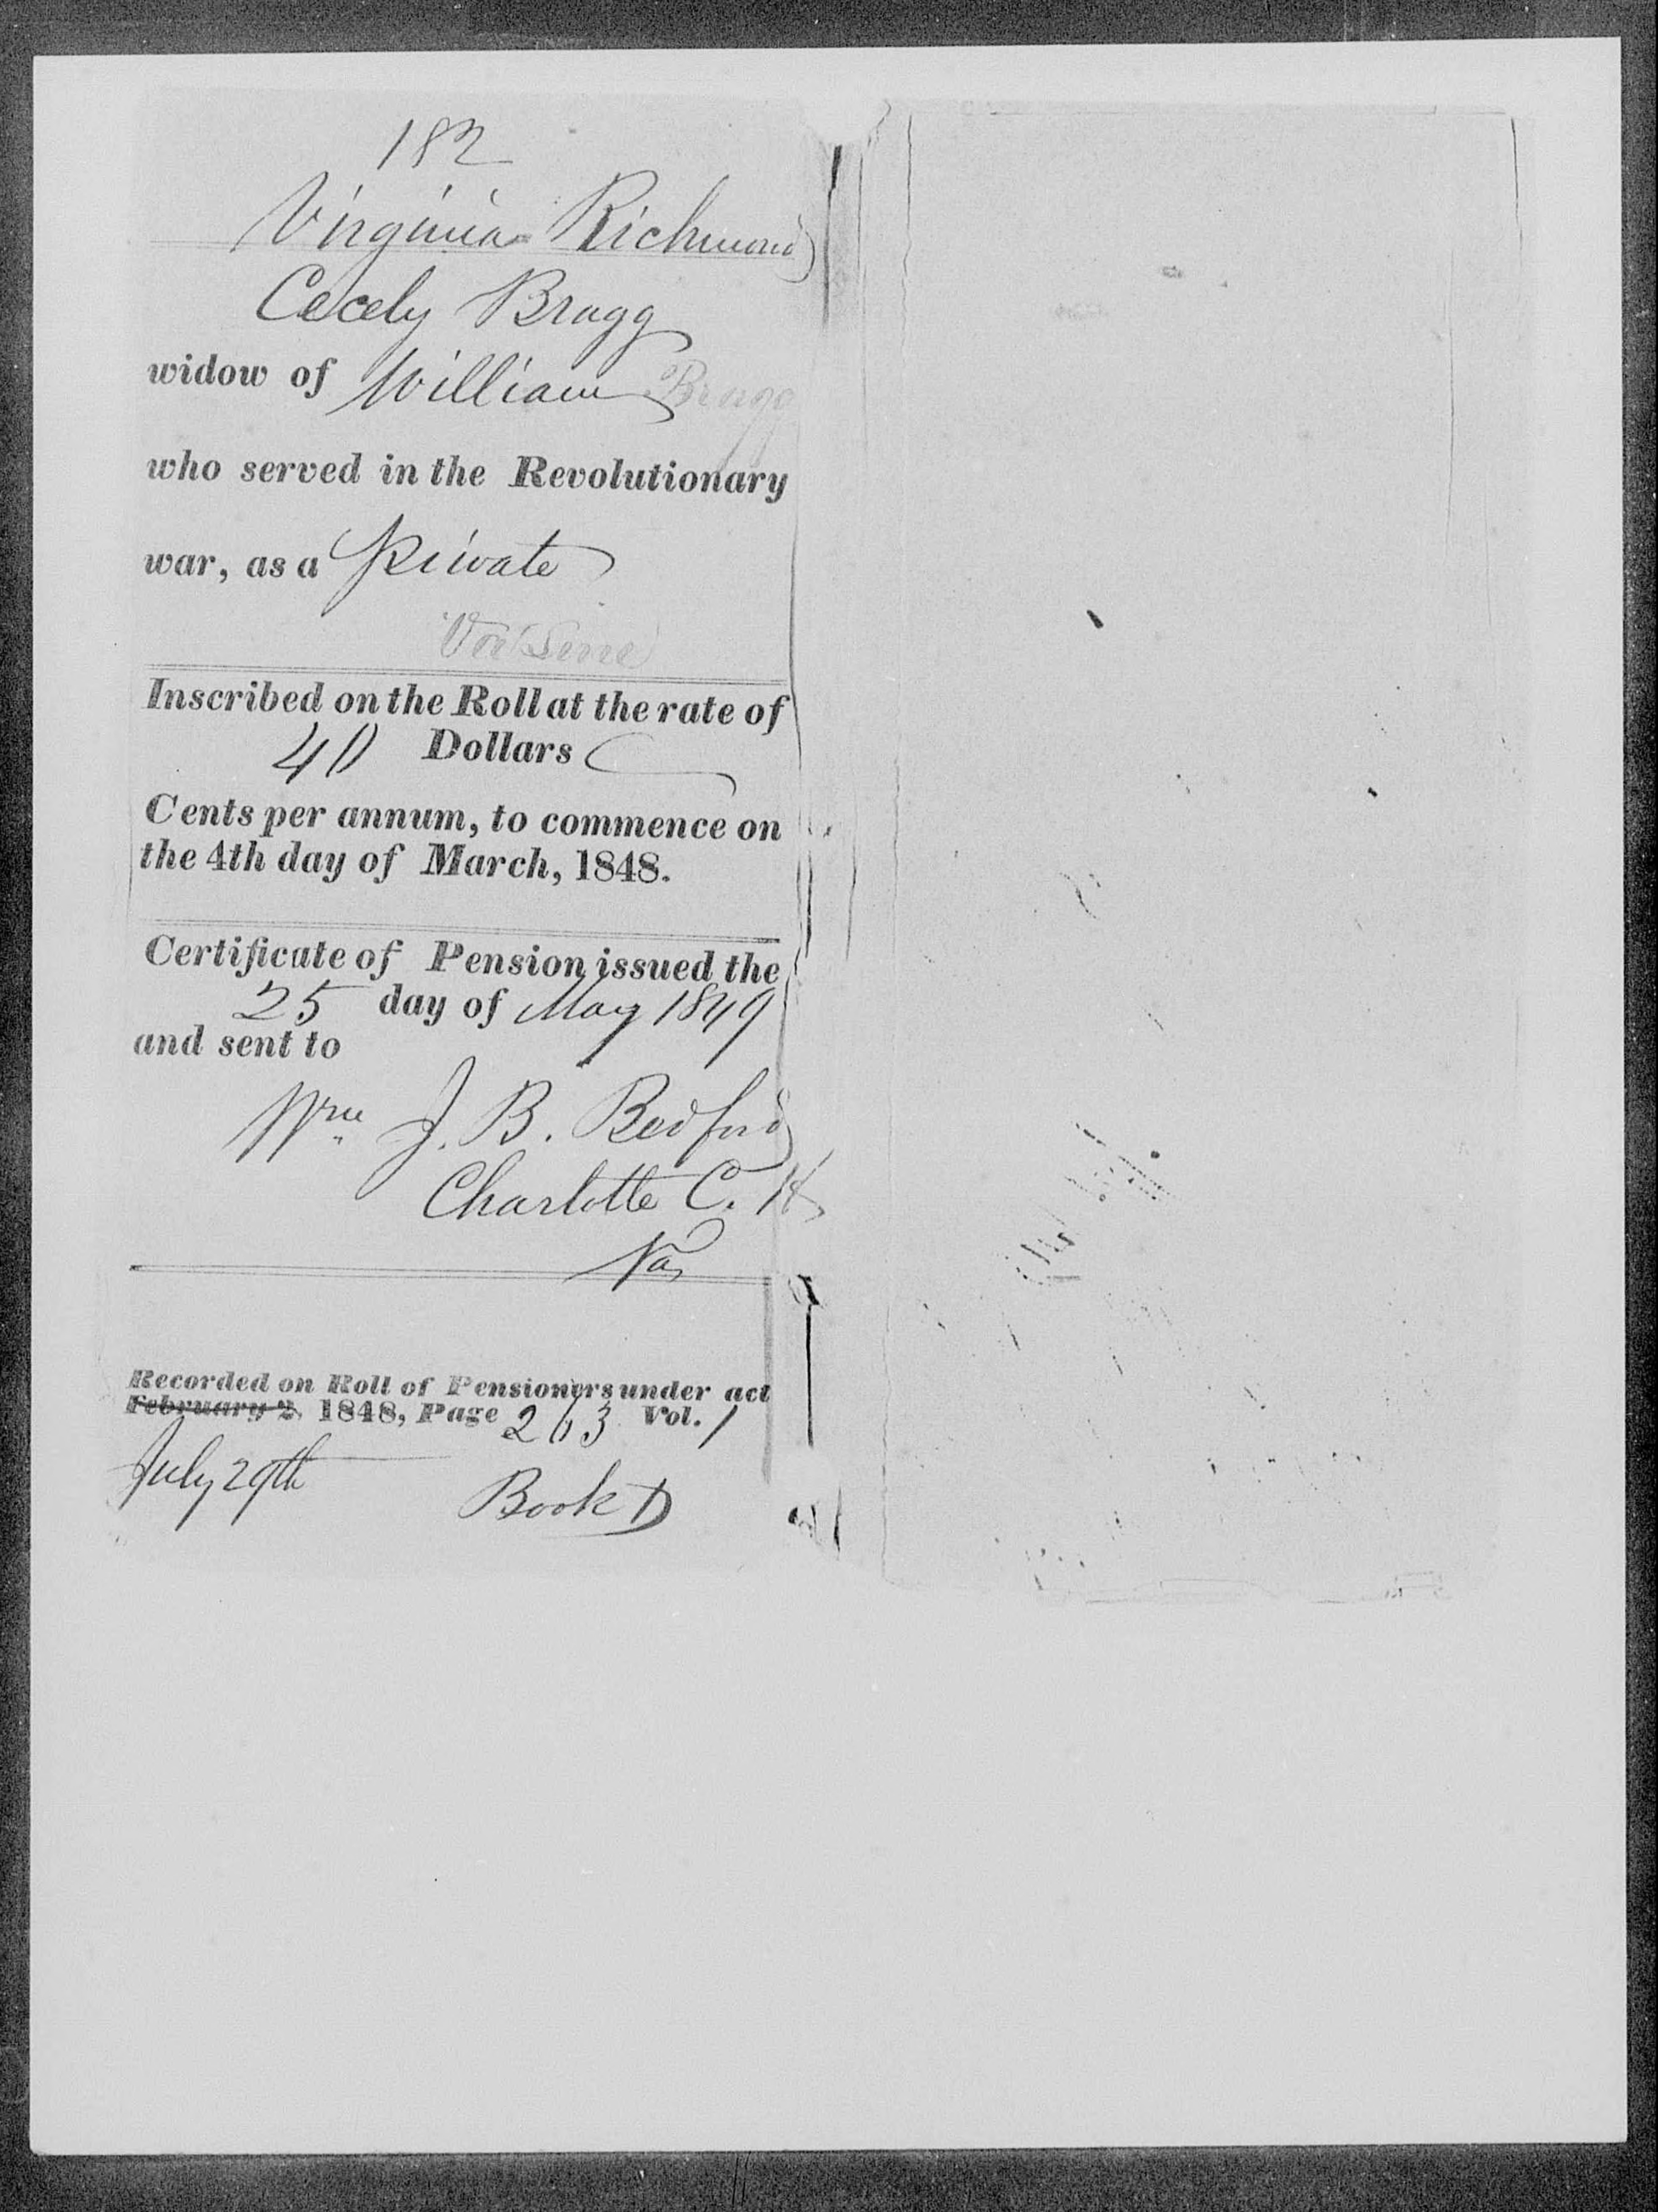[typed form, with handwritten responses]

182
Virginia Richmond

Cecely Bragg
widow of William Bragg
who served in the Revolutionary 
war, as a private Va. Line

Inscribed on the Roll at the rate 
of 40 Dollars – 
Cents per annum, to commence on 
the 4th day of March, 1848

Certificate of Pension issued 
25 day of May 1849
and sent to Mr. J. B. Bedford Charlotte C. H. Va.

Recorded on Roll of Pensioners under act
[crossed out - February 2] July 29th 1848, Page 263 Vol. 1 Book D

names: William Bragg, Cecely Bragg, Wm J B Bedford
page: 3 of 19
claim: widow's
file: W. 2517, William Bragg, Va.